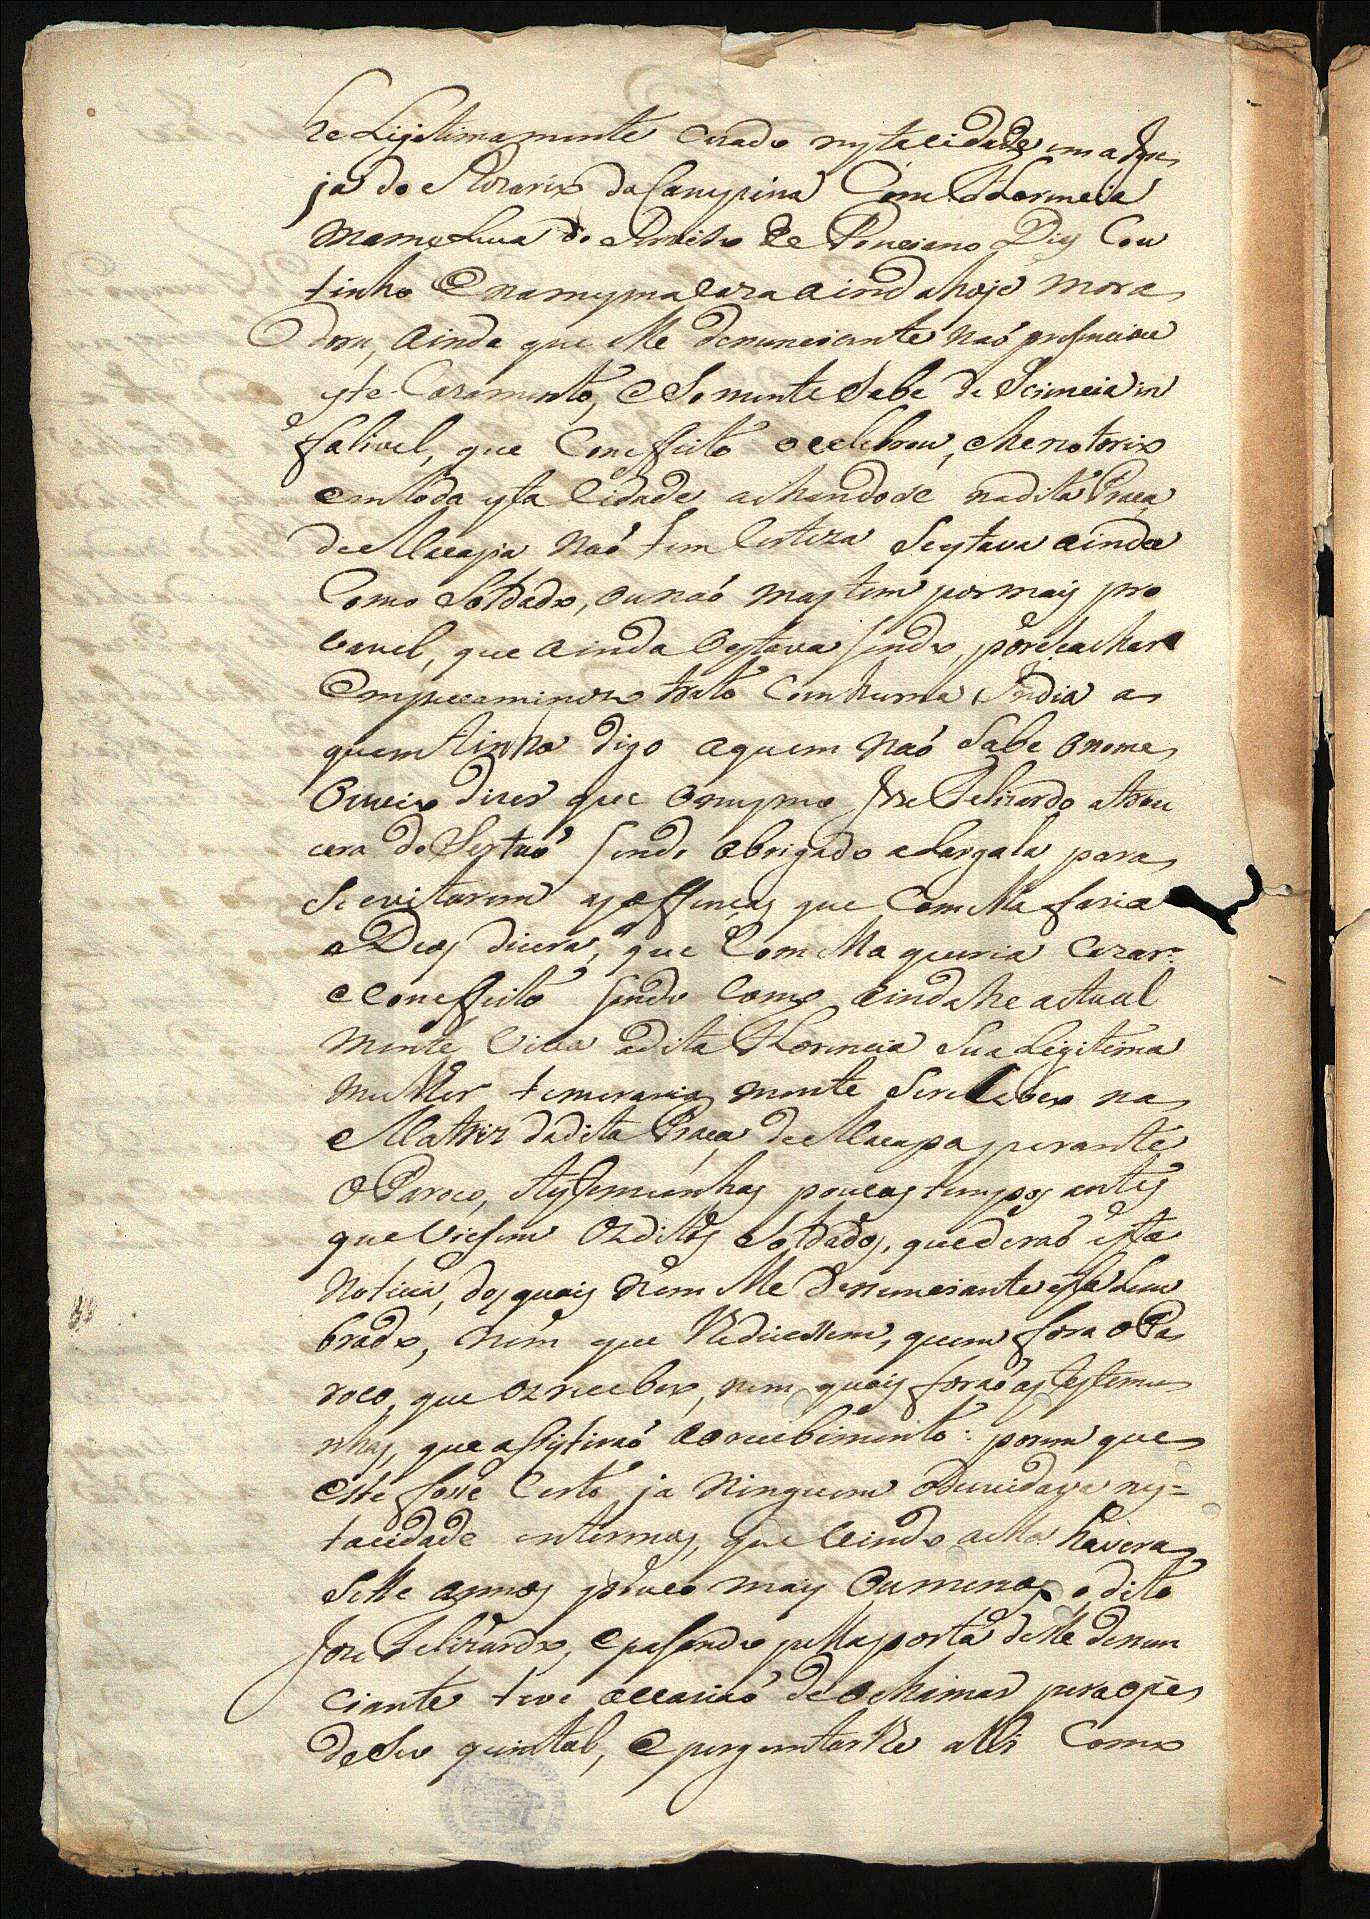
he Ligitimamente cazado nesta cidade em a Igre
ja do Rozario da Campina Com Florencia
MameLuca do Serviso de Ponciano Dias Cou
tinho e na mesma Caza ainda hoje mora
dora, ainda que elle denunciante naõ presenciou
este Casamento, e Somente Sabe de Sciencia in
falivel, que Com effeito o celebrou, e he notorio
em toda esta Cidade achandose na dita Praça
de Macapá naõ tem Certeza se estava ainda
Como Soldado, ou naõ mas tem por mais pro
vauel, que ainda O estava sendo, por se achar
em pecaminozo trato Com huma India a
quem tinha digo a quem não Sabe o nome
Ouvira dizer que o mesmo Joze Felizardo a trou
cera do Sertaõ sendo obrigado a Largala para,
se evitarem as offenças que Com ella fazia
a Deos dicera, que Com ella queria cazar:
e con effeito sendo Como ainda he actual
mente uiua a dita Florencia sua Legitima
mulher temerariamente Se reCebeo na
Matriz da dita Praça de Macapa perante
O Paroco, As testemunhas poucos tempos antes
que viesem oz dittos Soldados, que deraõ esta
noticia, dos quais nem elle denunciante esta Lem
brado, nem que lhe dicessem, quem fora o Pa
roco, que oz recebeo, nem quais foraõ as testemu
nhas, que assistiraõ ao recebimento: porem que
este fosse Certo ja ninguem o duvidava nes
ta cidade en termos, que vindo a ella havera
Sette annos pouco mais ou menos o dito
Joze Felizardo, e pasando pella porta delle denun
ciante teve occaziaõ de o chamar para o pé
de Seo quintal, e perguntarlhe alli Como
